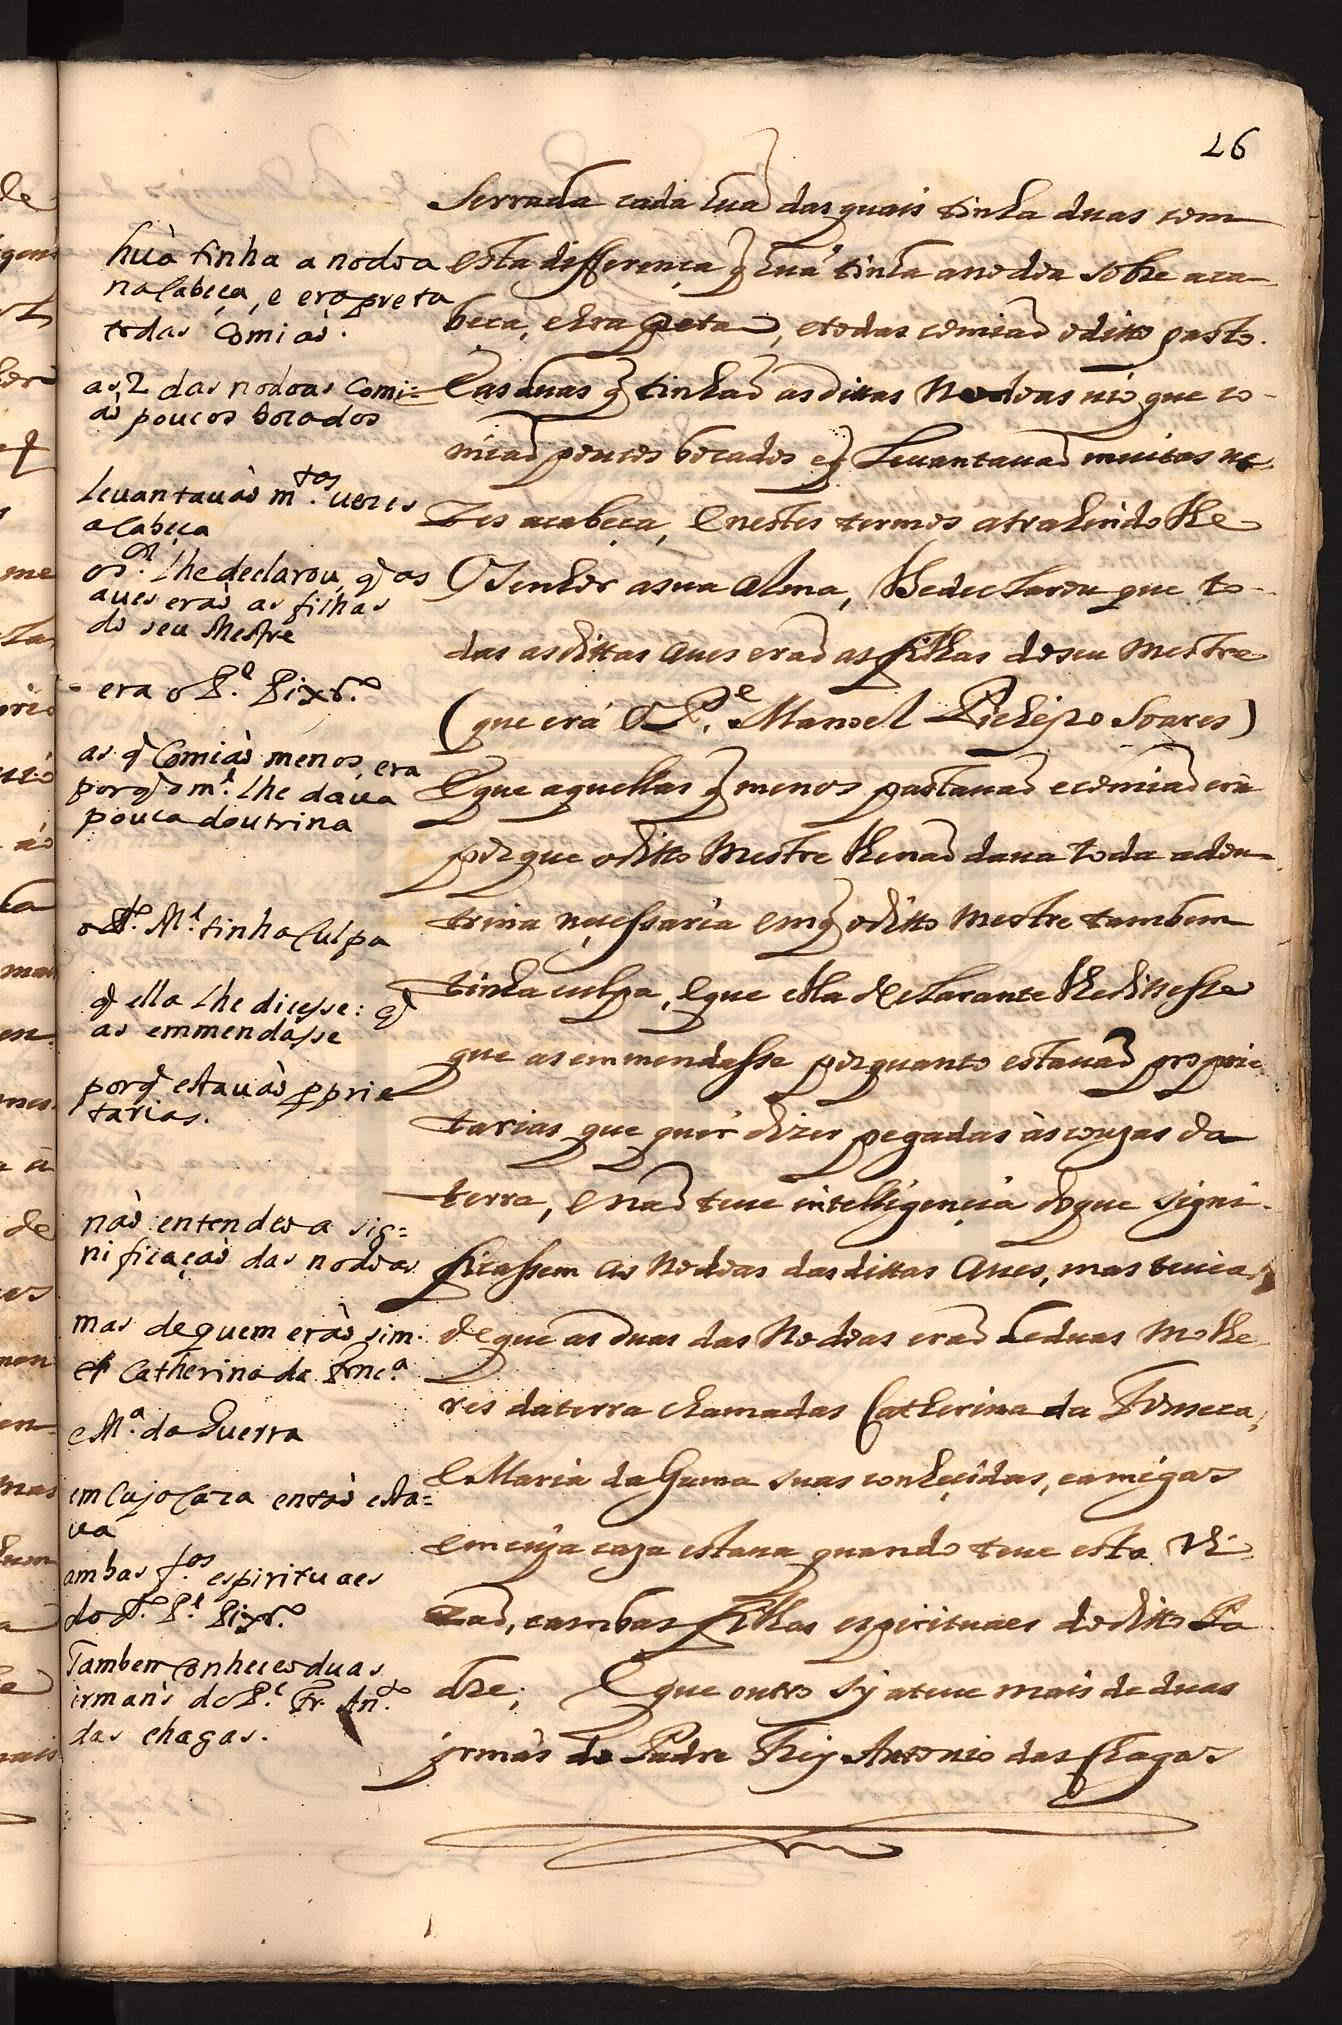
16
serrada cada huā das quais tinha duas com
huā tinha a nodoa
na cabeça, e era preta
todas comiaõ
esta differença q̄ huā tinha a nodoa sobre a ca
beça, e era preta, e todas comião o ditto pasto.
as 2 das nodoas comi
aõ poucos bocados
E as duas q̄ tinhaõ as dittas nodoas uio que co
miaõ poucos bocados e q̄ Leuantauaõ muitas ue
Leuantauaõ mtas uezes
a cabeça
zes a cabeça, e nestes termos atrahindo lhe
o s.or lhe declarou, q̄ as
aues erão as filhas
do seu Mestre
O Senhor a sua alma, lhe declarou que to
das as dittas aues erão as filhas do seu mestre
era o P.e Pixr.o
(que era o P.e Manoel Pichejro Soares)
as q̄ comião menos, era
porq̄ o m.e lhe daua
pouca doutrina
E que aquellas q̄ menos pastauaõ e comiaõ era
porque o ditto mestre lhe naõ daua toda a dou
trina necessaria em q̄ o ditto mestre tambem
o d̄.o M.e tinha Culpa
tinha culpa, e que ella declarante lhe dissesse
q̄ ella lhe dicesse: q̄
as emmendasse
que as emmendasse porquanto estauaõ proprie
porq̄ estauão ꝓprie
tarias.
tarias que quer dizer pegadas às couzas da
terra, e naõ teue intelligencia do que signi
naõ entendeo a sig
nificaçaõ das nodoas
ficassem as nodoas das dittas aues, mas teue a
mas de quem eraõ sim.
e Catherina da Fonc.a
de que as duas das nodoas eraõ de duas molhe
res da terra chamadas Catherina da Fonseca
e M.a da Guerra.
a Maria da Guerra suas conhecidas, e amigas
em cuja Caza entaõ esta
ua
em cuja caza estaua quando teue esta Vi
ambas f.as espirituaes
do d̄.o P.e Pixr.o
zaõ, e ambas filhas espirituaes do ditto Pa
Tambem conheceo duas
irmans do P.e Fr. An.to
das chagas.
dre; E que outrosy a teue mais de duas
jrmās do Padre Frey Antonio das Chagas
